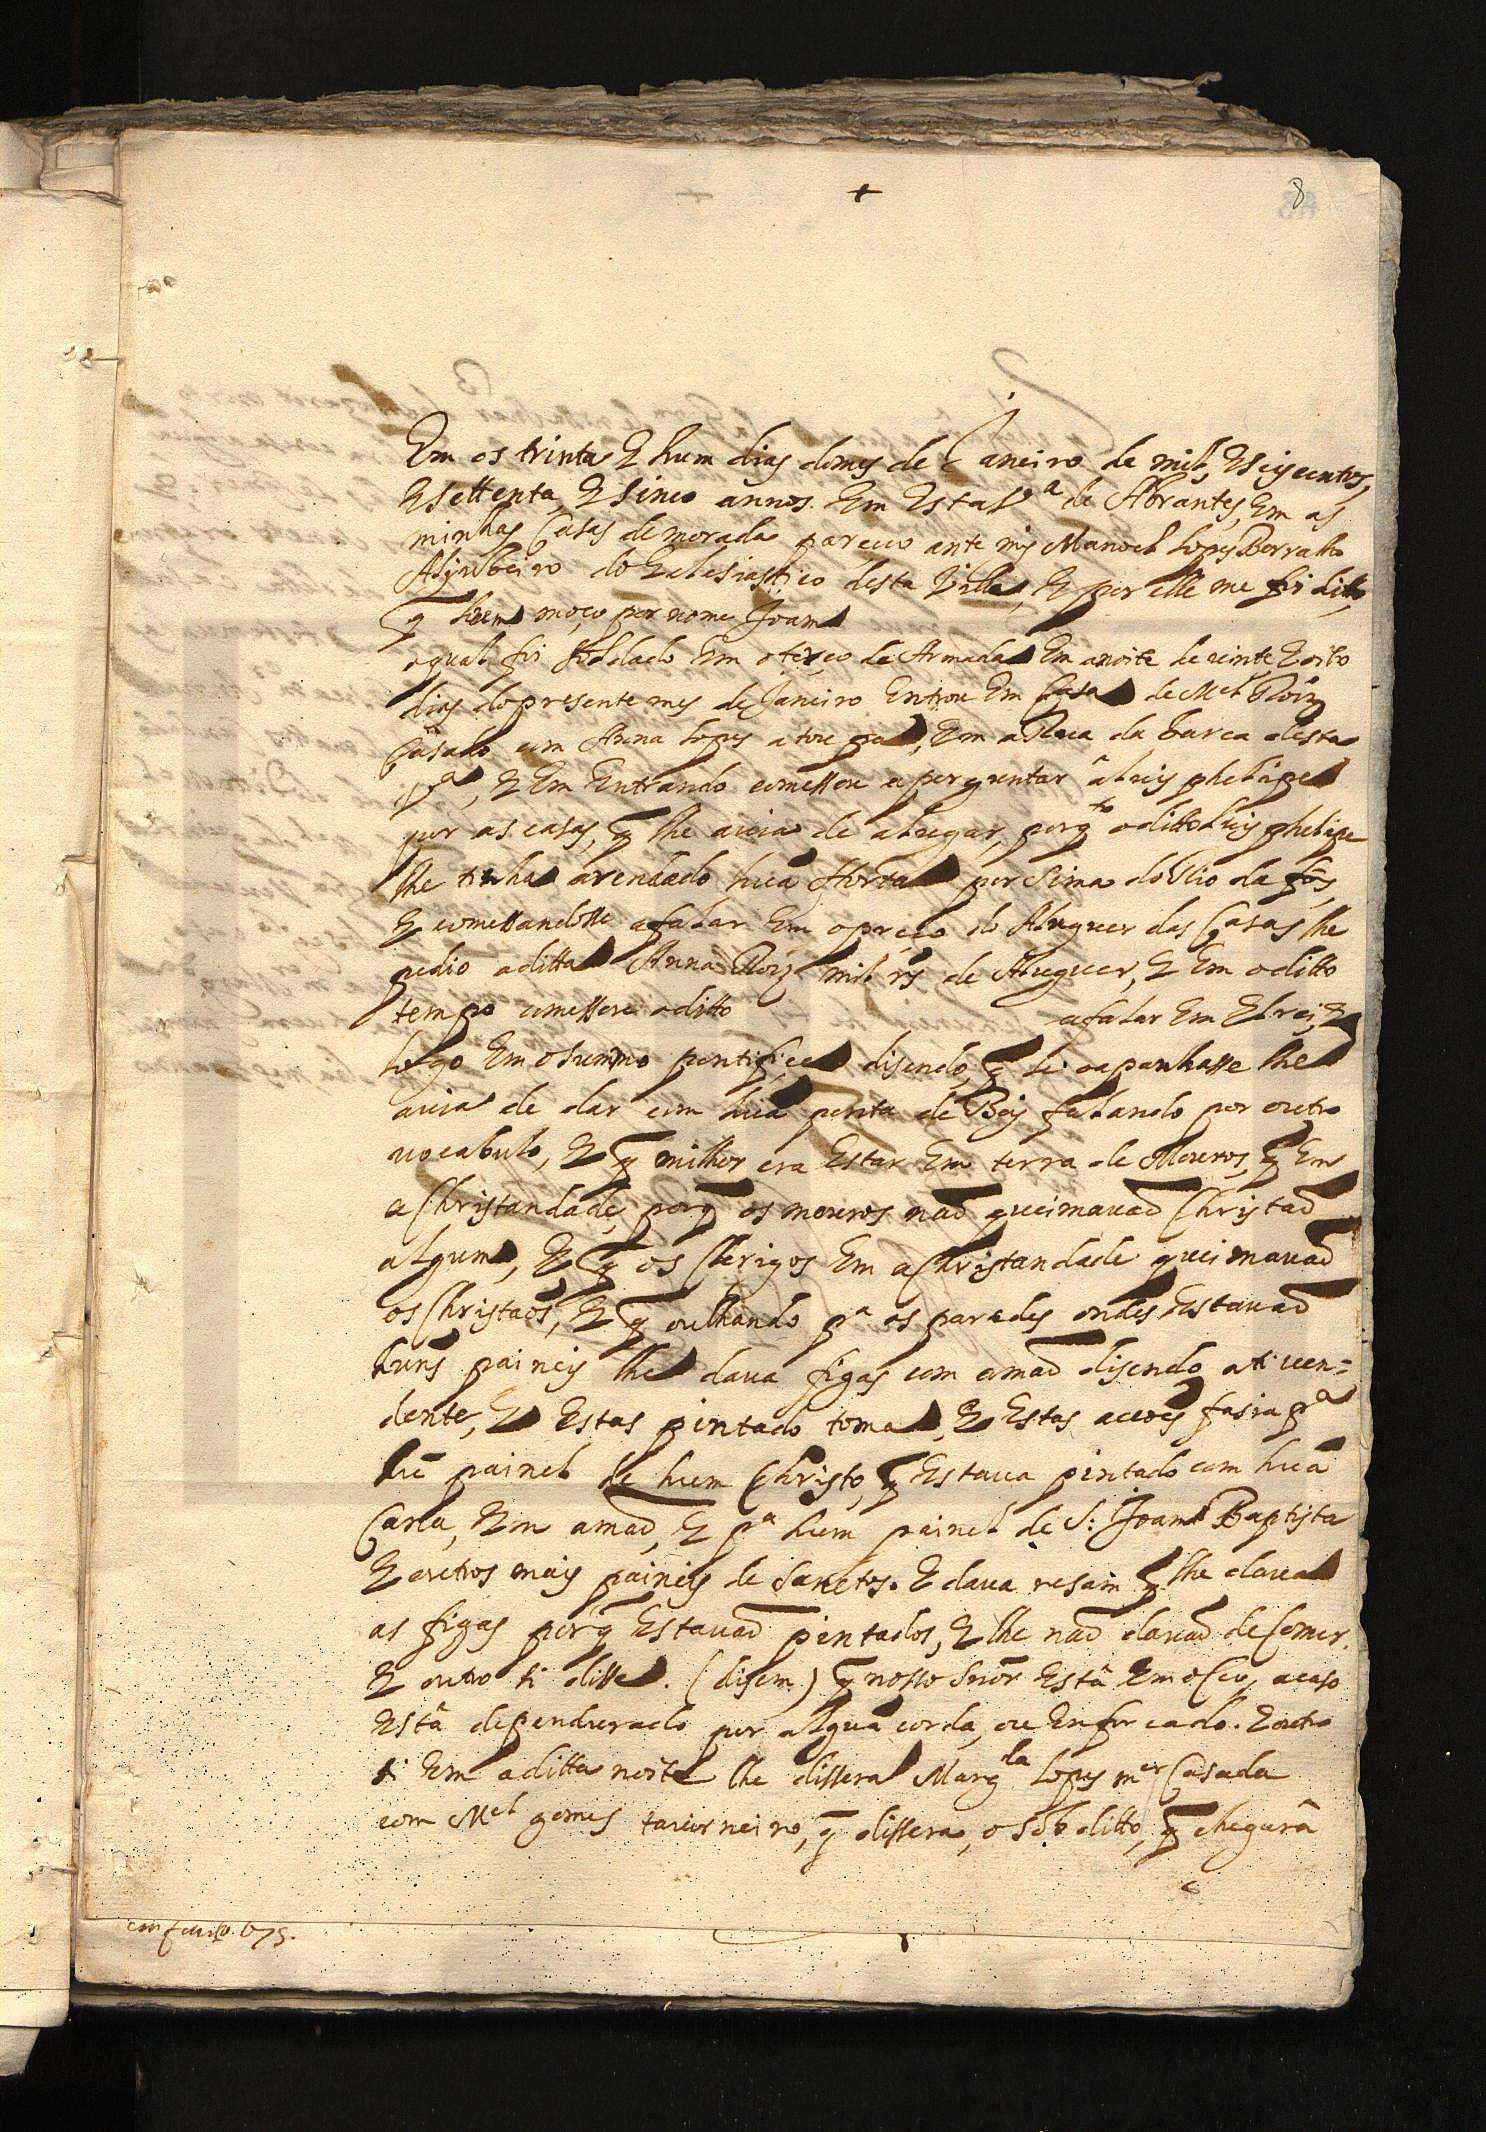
Em os trinta E hum dias do mes de Ianeiro de mil, E seiscentos
E settenta, e sinco annos Em Esta Va de Abrantes Em as
minhas Casas de morada pareceo ante my Manoel Lopes Borralho
Alyubeiro do Eclesiastico desta Villa, E por elle me foi ditto
q̄ hum moço por nome Joam
o qual foi soldado Em o terço da Armada Em a noite de uinte E oito
dias do presente mes de Janeiro Entrou Em Casa de Mel Roiz̄
Casado com Anna Lopes a toupa, Em a Rua da barca desta
Va, E em Entrando comessou a perguntar a Luis phelipe
por as casas, q̄ lhe auia de alugar, porq̄ o ditto luis phelipe
lhe tinha arendado huā Horta por sima do Rio da fós,
E comessandosse a falar Em o preço de Aluguer das Casas lhe
pedio a ditta Anna Roiz̄ mil rs̄ de Aluguer, E Em o ditto
tempo comessou o ditto
a falar Em El rei, E
logo Em o summo pontifice, disendo q̄ se o apanhasse lhe
auia de dar com huā ponta de Boy falando por outro
uocabulo, E q̄ milhor era Estar Em terra de Mouros, q̄ Em
a Christandade, porq̄ os mouros não queimauão Christaõ
algum, E q̄ os Clerigos Em a Christandade queimauaõ
os Christaõs, E q̄ oulhando p.a as paredes onde Estauaõ
huns paineis lhe daua figas com a maõ disendo a ti uen
dente, E Estas pintado toma, E Estas acçoẽs fasia pa
hū painel de hum Christo, q̄ Estaua pintado com huā
Cana, Em a maõ, E pa hum painel de S. Joam Baptista
E outros mais paineis de sanctos. E daua resam q̄ lhe daua
as figas, porq̄ Estauaõ pintados, E lhe naõ dauaõ de Comer
E outrosi disse (disem) q̄ nosso snor̄ Estâ Em o Ceo, acaso
Estâ dependurado por alguā corda, ou Enforcado. E outro
si Em a ditta noite lhe dissera Margda Lopes mer Casada
com M.el gomes taverneiro, q̄ dissera, o sobditto, q̄ chegara
